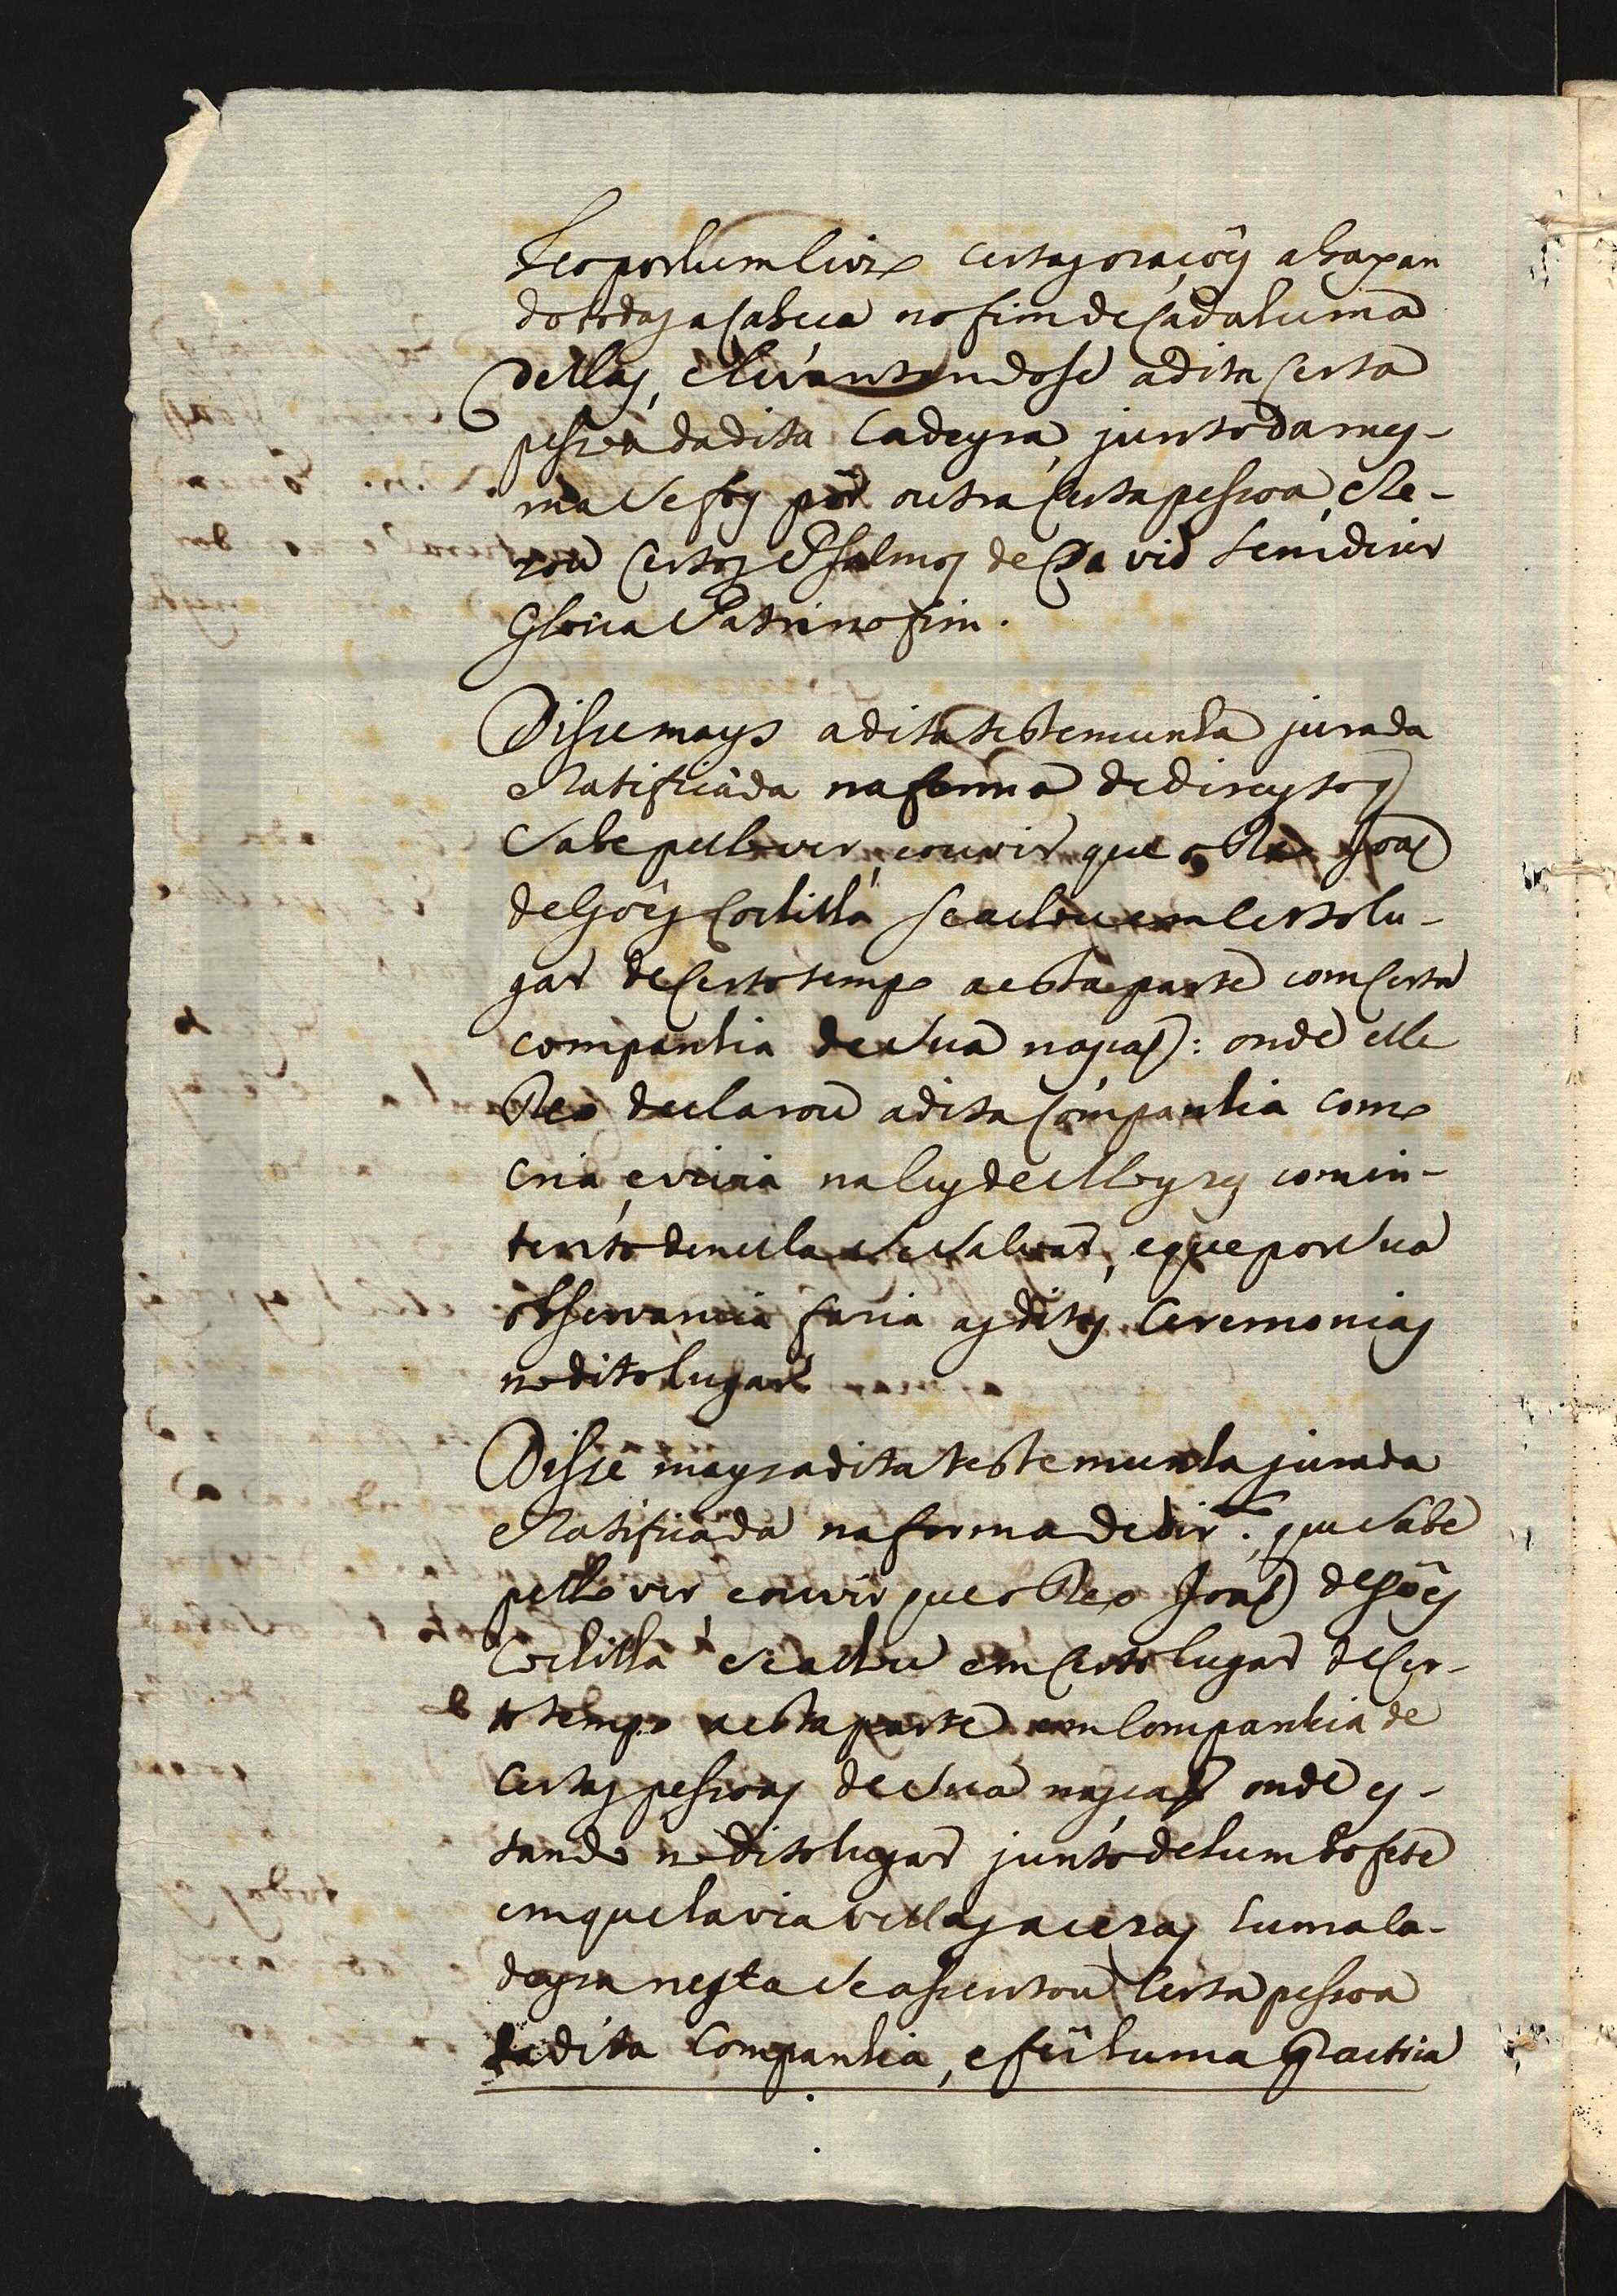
Leo por hum livro certas oraçoês abaxan
do todas a Cabeça no fim de Cada huma
dellas, e levantandose a dita Certa
pessoa da dita Cadeyra, junto da mes
ma se foy pôr outra Certa pessoa, e Re
zou Certos Psalmos de David sem diser
Gloria Patri no fim.
Disse mais a dita testemunha jurada
e Ratificáda na forma de direyto q̄
sabe pello ver, e ouvir que o Reo Joaõ
de Goẽs Cochilha, se achou em certo lu
gar de Certo tempo a esta parte com Certa
companhia de sua nasçaõ: onde elle
Reo declarou a dita Companhia como
cria e vivia na ley de Moyzes com in
tento de nella se salvar, e que por sua
observancia fazia as ditas Ceremonias
no dito lugar.
Disse mays a dita testemunha jurada
e Ratificada na forma de dir.to, que sabe
pello vir, e ouvir que o Reo Joaõ de gôes
Cochilha se achou em Certo lugar de Cer
to tempo a esta parte em Companhia de
certas pessoas de sua nasçaõ onde es
tando no dito lugar junto de hum bofete
em que havia vellas acezas huma ca
deyra nesta se assentou certa pessoa
da dita Companhia, e fêz huma practica
